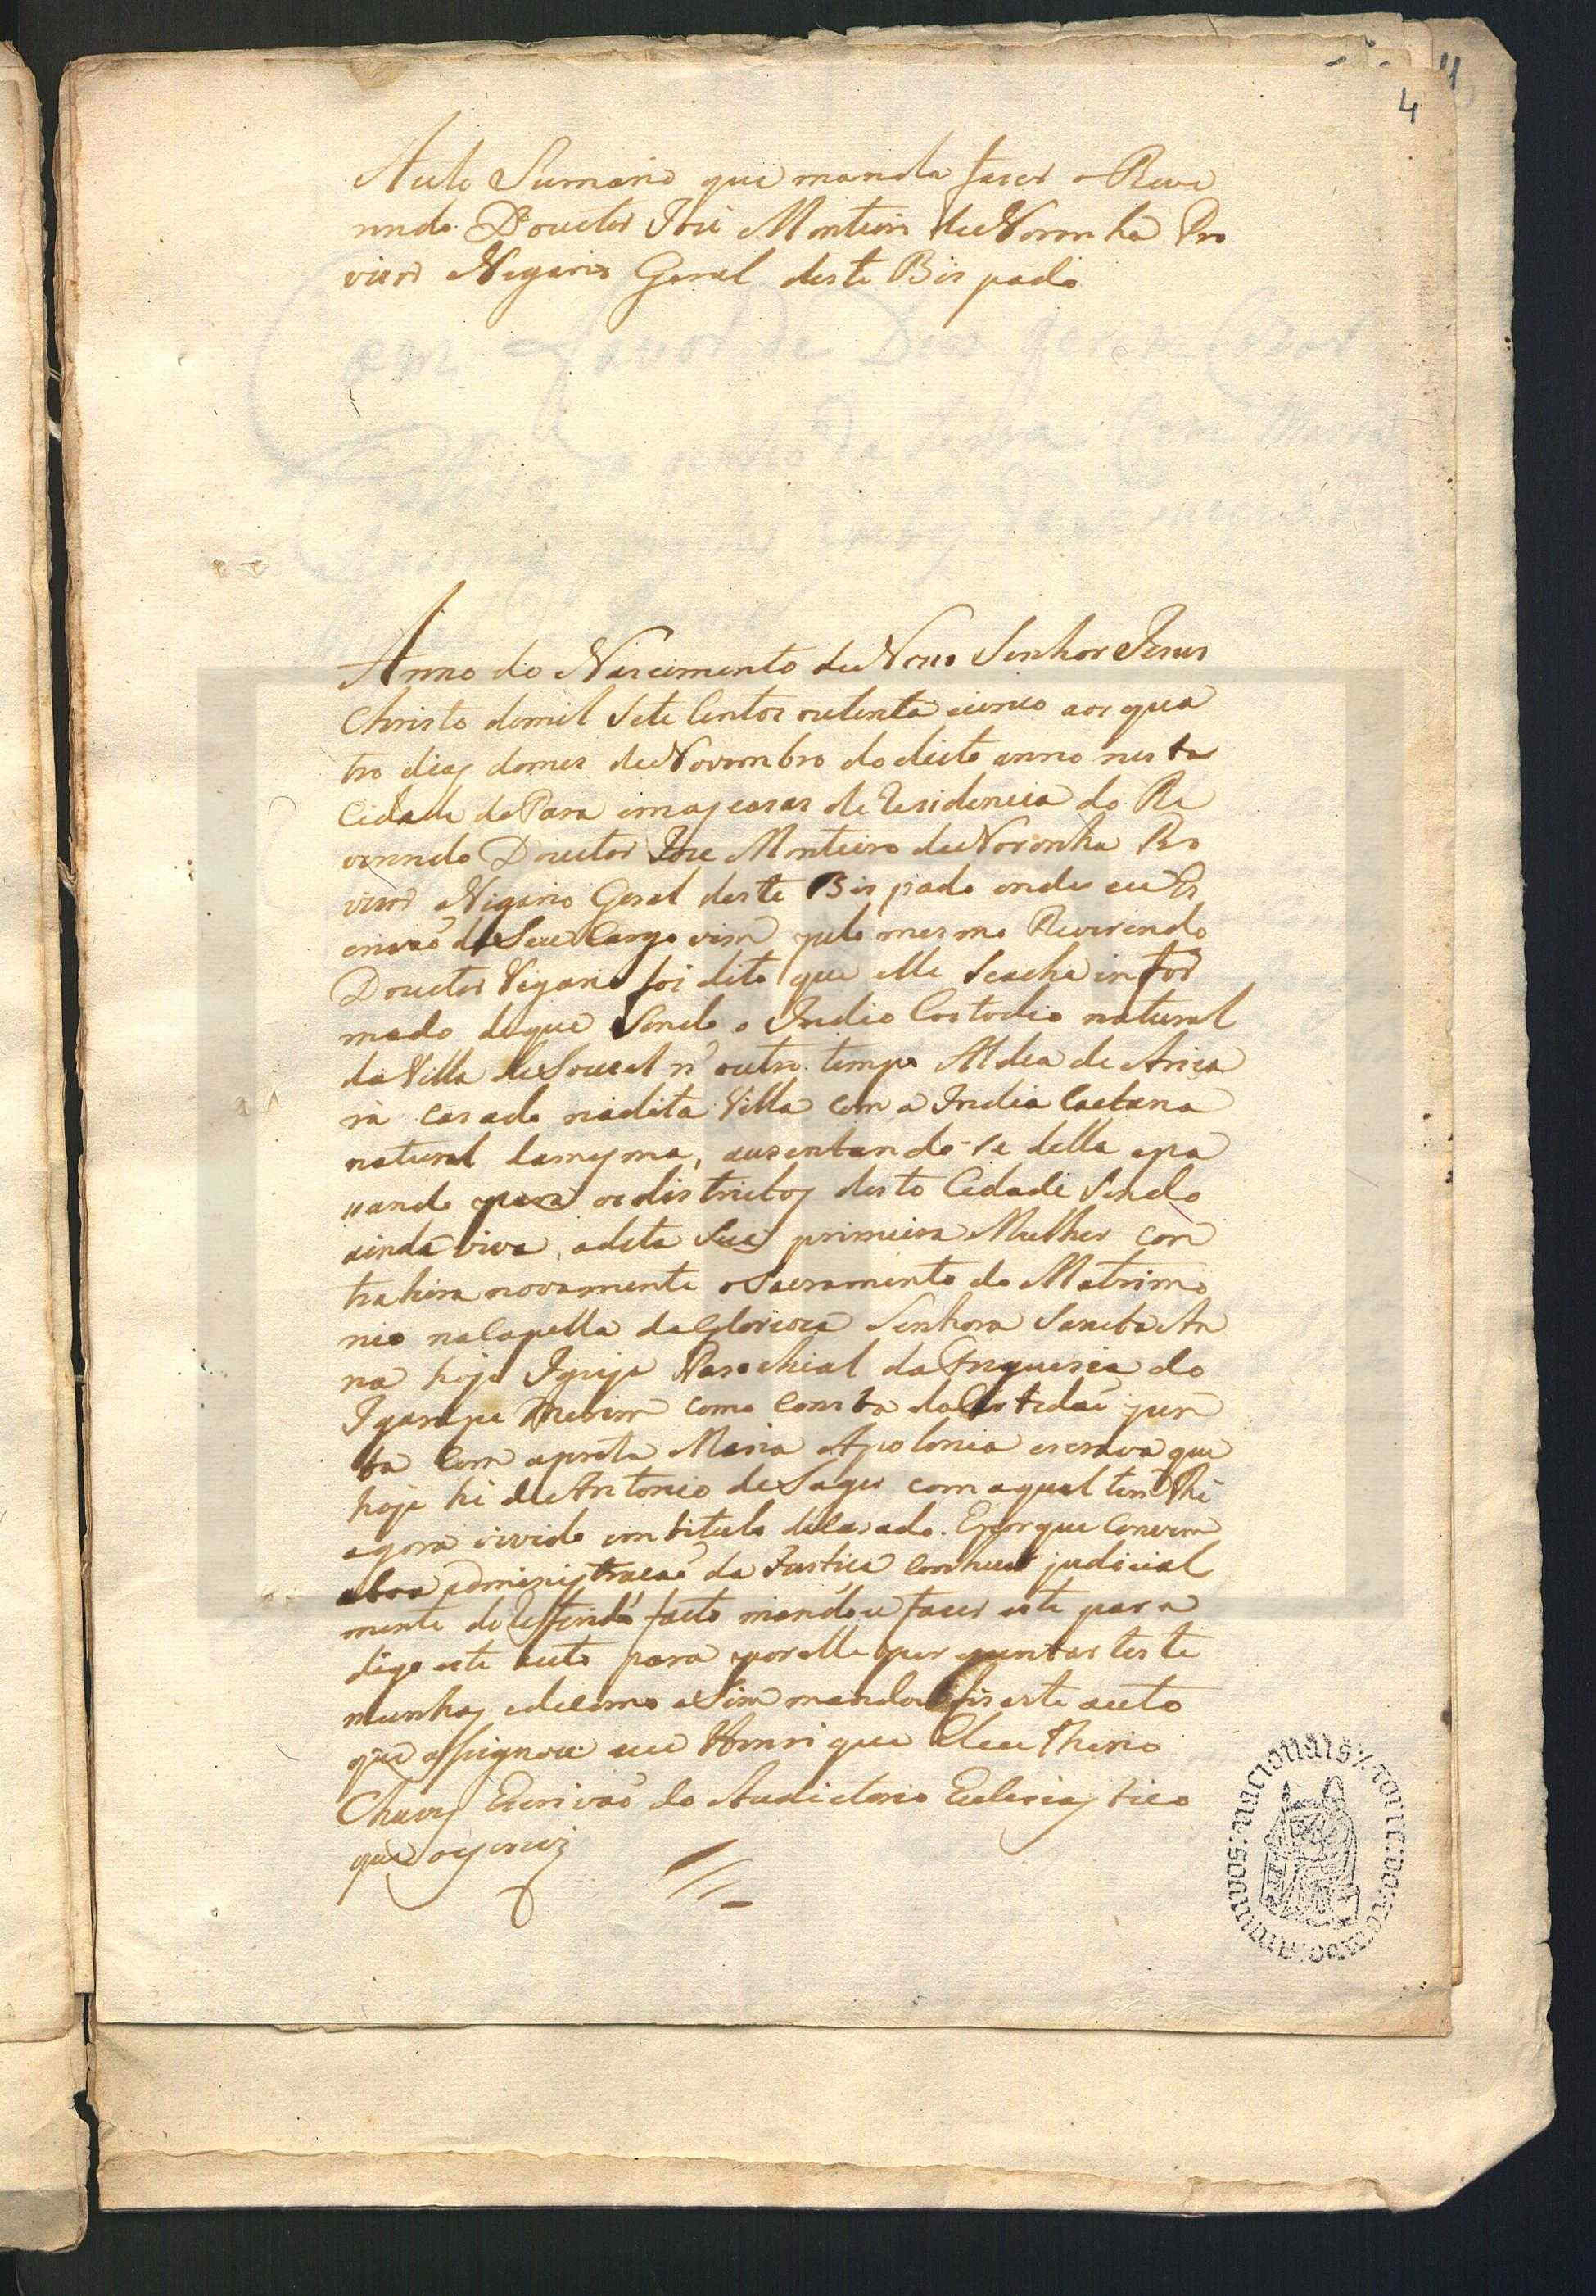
Auto Sumario que manda fazer o Reve
rendo Doutor Iosé Martins de Noronha Pro
visor e Vigario Geral deste Bispado
Anno do Nascimento de Nosso Senhor Iesus
Christo de mil SeteCentos outenta e cinco aos qua
tro dias do mes de Novembro do dicto anno nesta
Cidade do Para em as casas de Residencia do Re
verendo Doutor Iose Monteiro de Noronha Pro
visor o Vigario Geral deste Bispado onde eu Es
crivaõ de Seu Cargo vim pelo mesmo Reverendo
Douctor Vigario foi dito que elle Se acha infor
mado de que Sendo o Indio Costodio natural
da Villa de Soucel n'outro tempo Aldea de Arira
rá casado na dita Villa com a India Caetana
natural da mesma, ausentando-se della e pa
ssando para os districtos desto Cidade Sendo
ainda viva, a dita Sua primeira Mulher con
trahira novamente o Sacramento do Matrimo
nio na Capella da Glorioza Senhora Sancta An
na hoje Igreja Parochial da Freguesia do
Igarape Mearim como consta da Certidão jun
to com a preta Maria Apolonia escrava que
hoje hé de Antonio de Sager com a qual tem thé
agora vivido em titulo de casado. E porque convem
a boa administraçaõ da Iustiça contheuda judicial
mente do Refferido facto mandou fazer esta para
digo este auto para por elle perguntar teste
munhas e de como asim mandou fis este auto
que assignou eu Henrique Eleutherio
Chaves Escrivaõ do Audictorio Ecclesiastico
que o escrevj.
